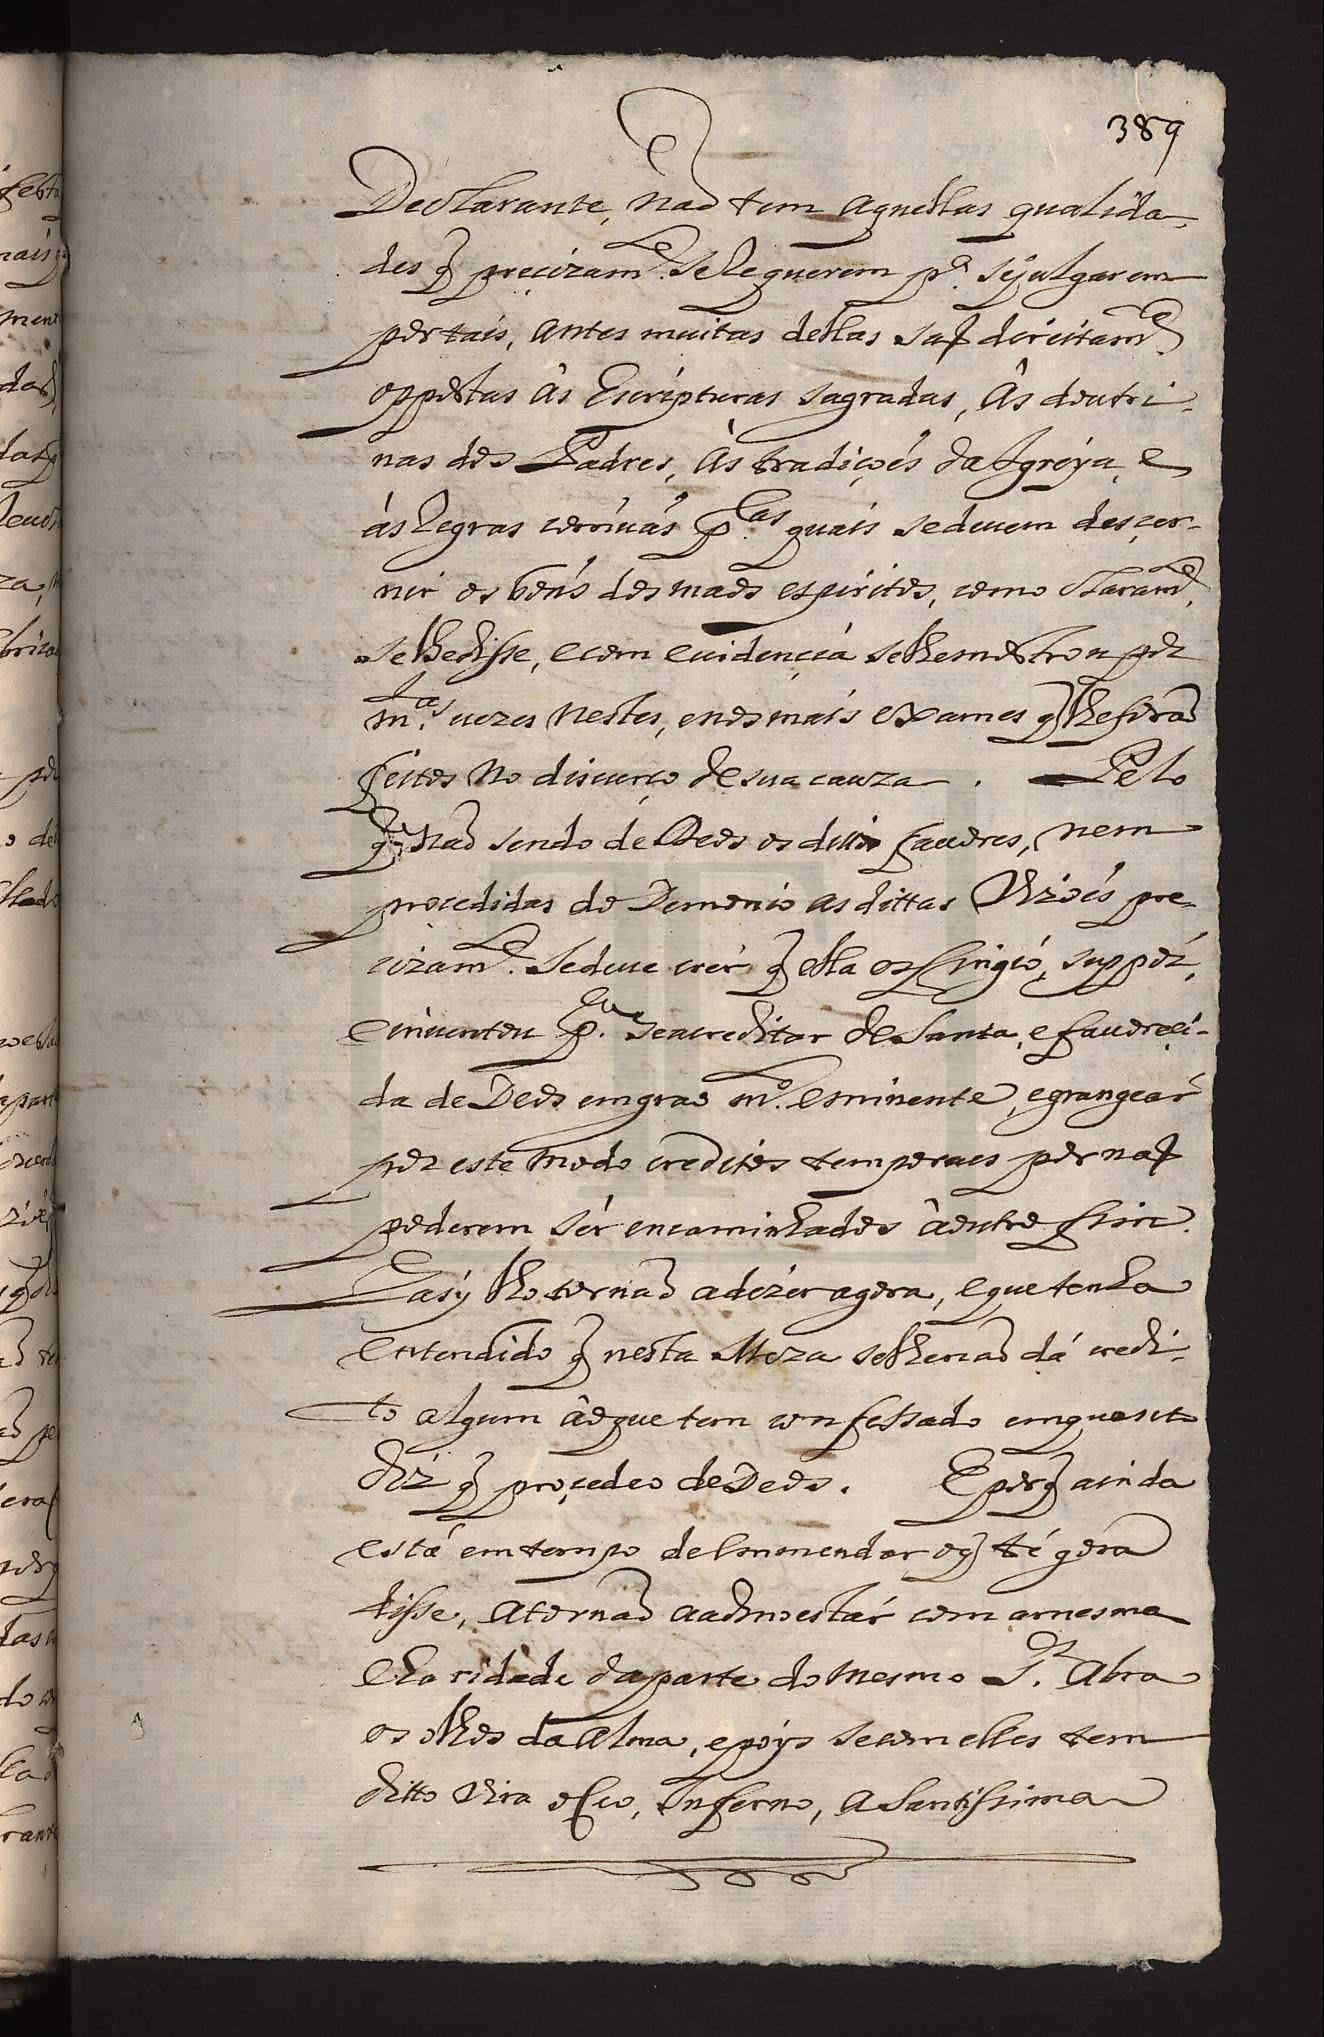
389
Declarante, naõ tem aquellas qualida
des q̄ precizam.te se Requerem p.a se julgarem
por tais, antes muitas dellas saõ direitamte
oppostas ás Escripturas sagradas, ás doutri
nas dos Padres, às tradicoẽs da Igreya, e
ás Regras comuās p.las quais se deuem descer
nir os bons dos maos espiritos, como claramte
se lhe disse, e com euidencia se lhe mostrou por
m.tas uezes nestes, e nos mais exames q̄ lhe forão
Pelo
feitos no discurço de sua cauza.
q̄ naõ sendo de Deos os dittos fauores, nem
procedidas do Demonio as dittas Vizoẽs pre
cizam.te se deue crer q̄ ella os fingio, suppos,
e inuentou p.ra se acreditar de Santa, e fauoreci
da de Deos em grao m.to eminente, e grangear
por este modo creditos temporaes por naõ
poderem ser encaminhados à outro fim
E asy lho tornaõ a dizer agora, e que tenha
entendido q̄ nesta Meza se lhe naõ dá credi
to algum ào que tem confessado em quanto
E porq̄ ainda
diz q̄ procedeo de Deos.
está em tempo de emmendar o q̄ té gora
disse, a tornaõ a admoestar com a mesma
charidade da parte do mesmo S.or abra
os olhos da alma, e poys se com elles tem
ditto vira o Ceo, Inferno, a Santissima
